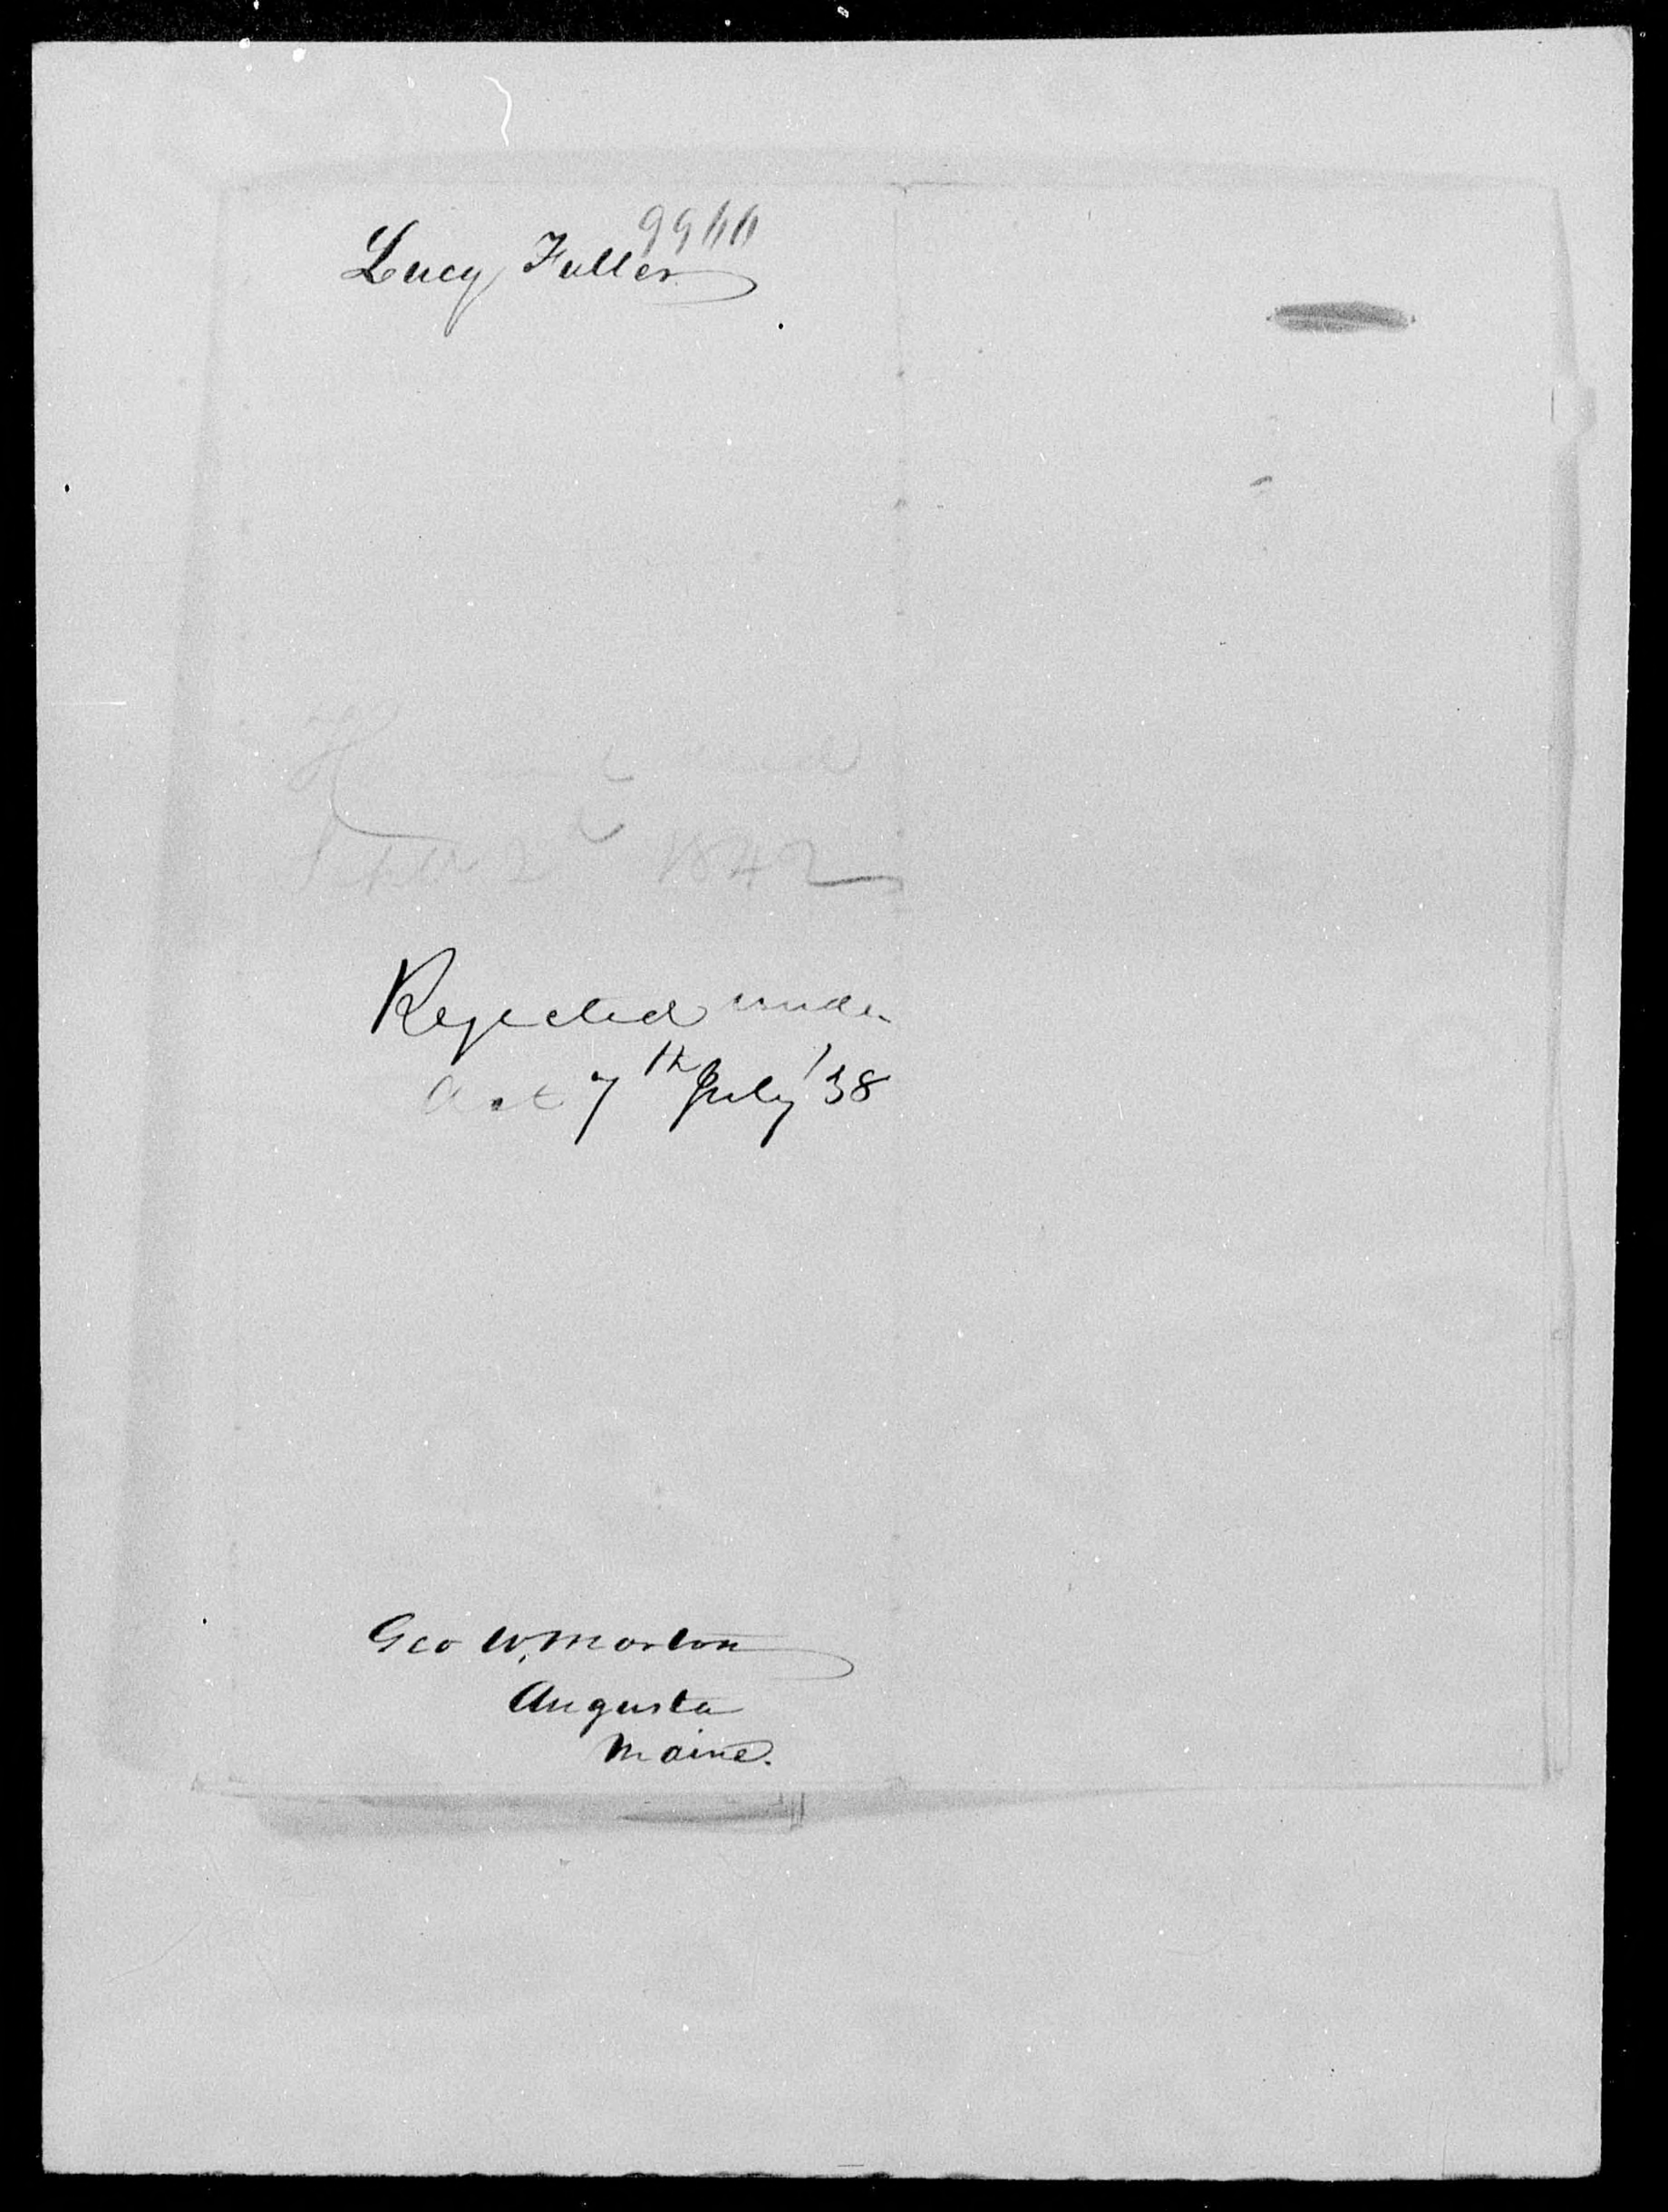9966
Lucy Fuller
[added in faint pencil:
H[illegible]
Sept 2nd 1842]
Rejected under
Act 7th July '38
Geo W. Morton
Augusta
Maine.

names: Lucy Fuller, Geo W Morton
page: 8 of 45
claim: widow's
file: W. 17933, William Fuller, Mass